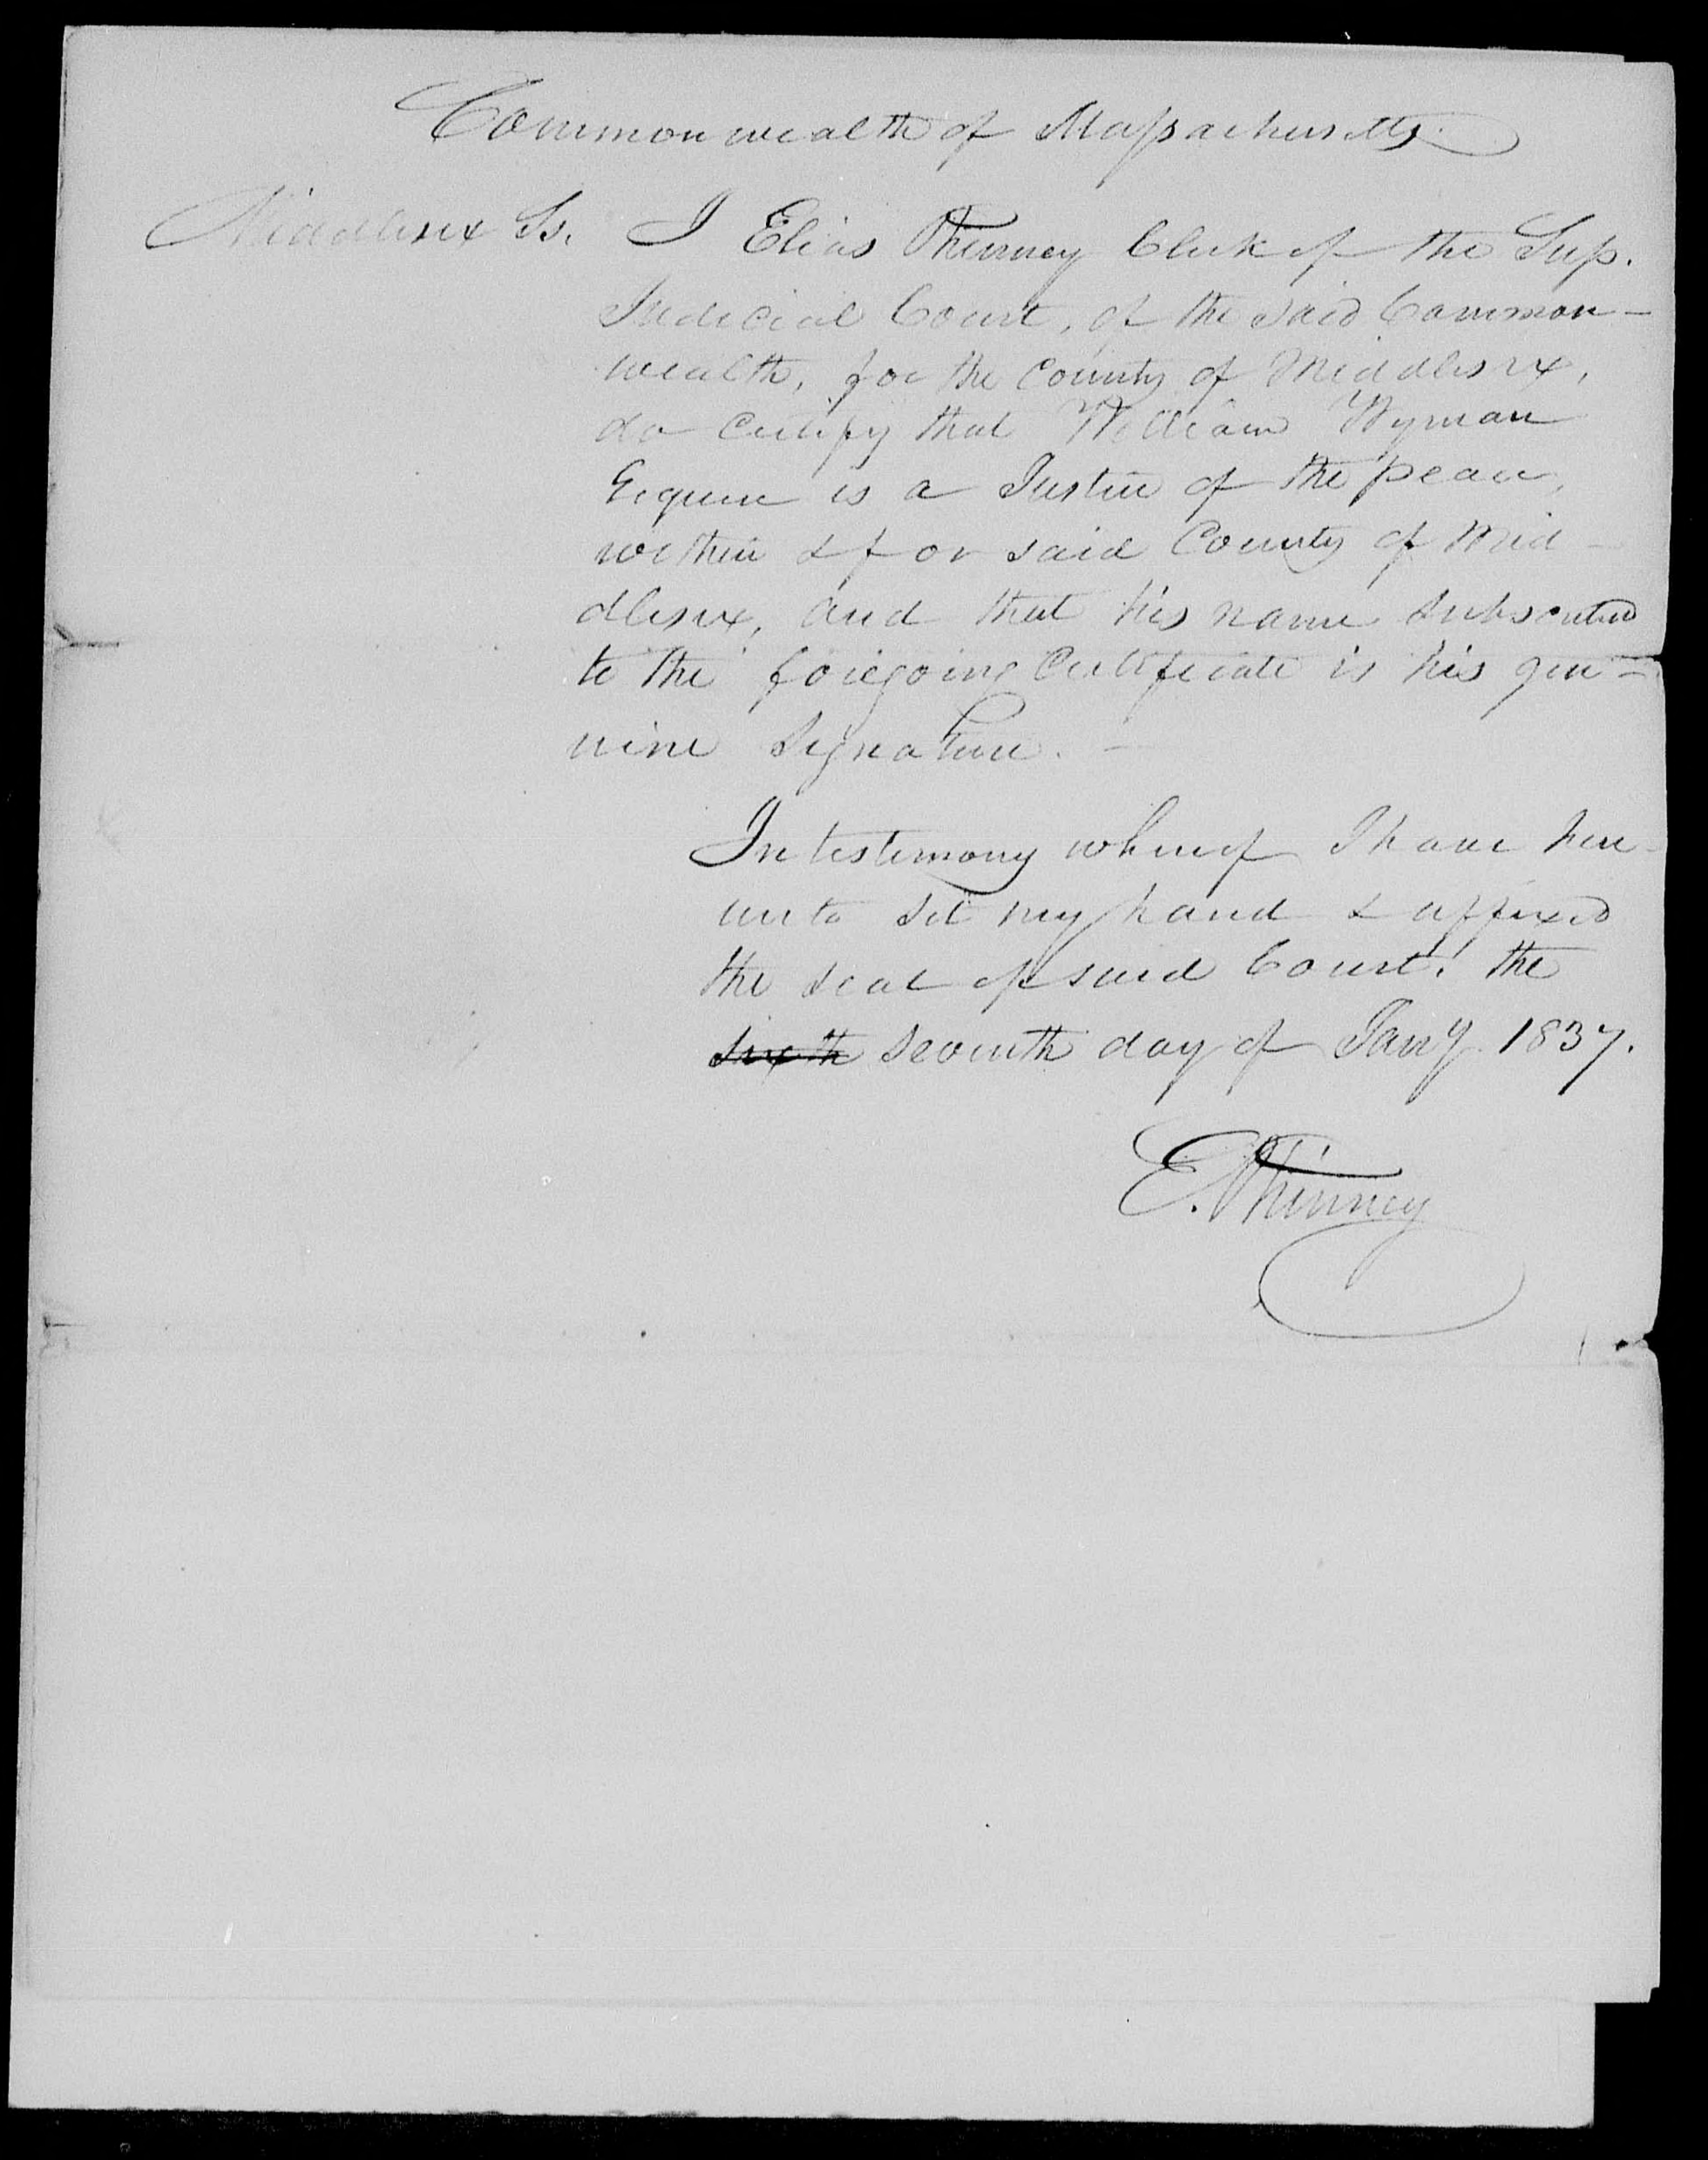Commonwealth of Massachusetts

Middlesex ss.

I Elias Phinney Clerk of the Superior Judicial Court, of the said Commonwealth, for the County of Middlesex, do certify that William Wyman Esquire is a Justice of the peace, within and for said County of Middlesex, and that his name subscribed to the foregoing certificate is his genuine signature.

In testimony whereof I have hereunto set my hand and affixed the seal of said Court, the seventh day of January 1837.

E. Phinney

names: William Wyman, Elias Phinney, E Phinney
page: 19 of 33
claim: widow's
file: W. 22862, Tilden Crooker, Mass Navy